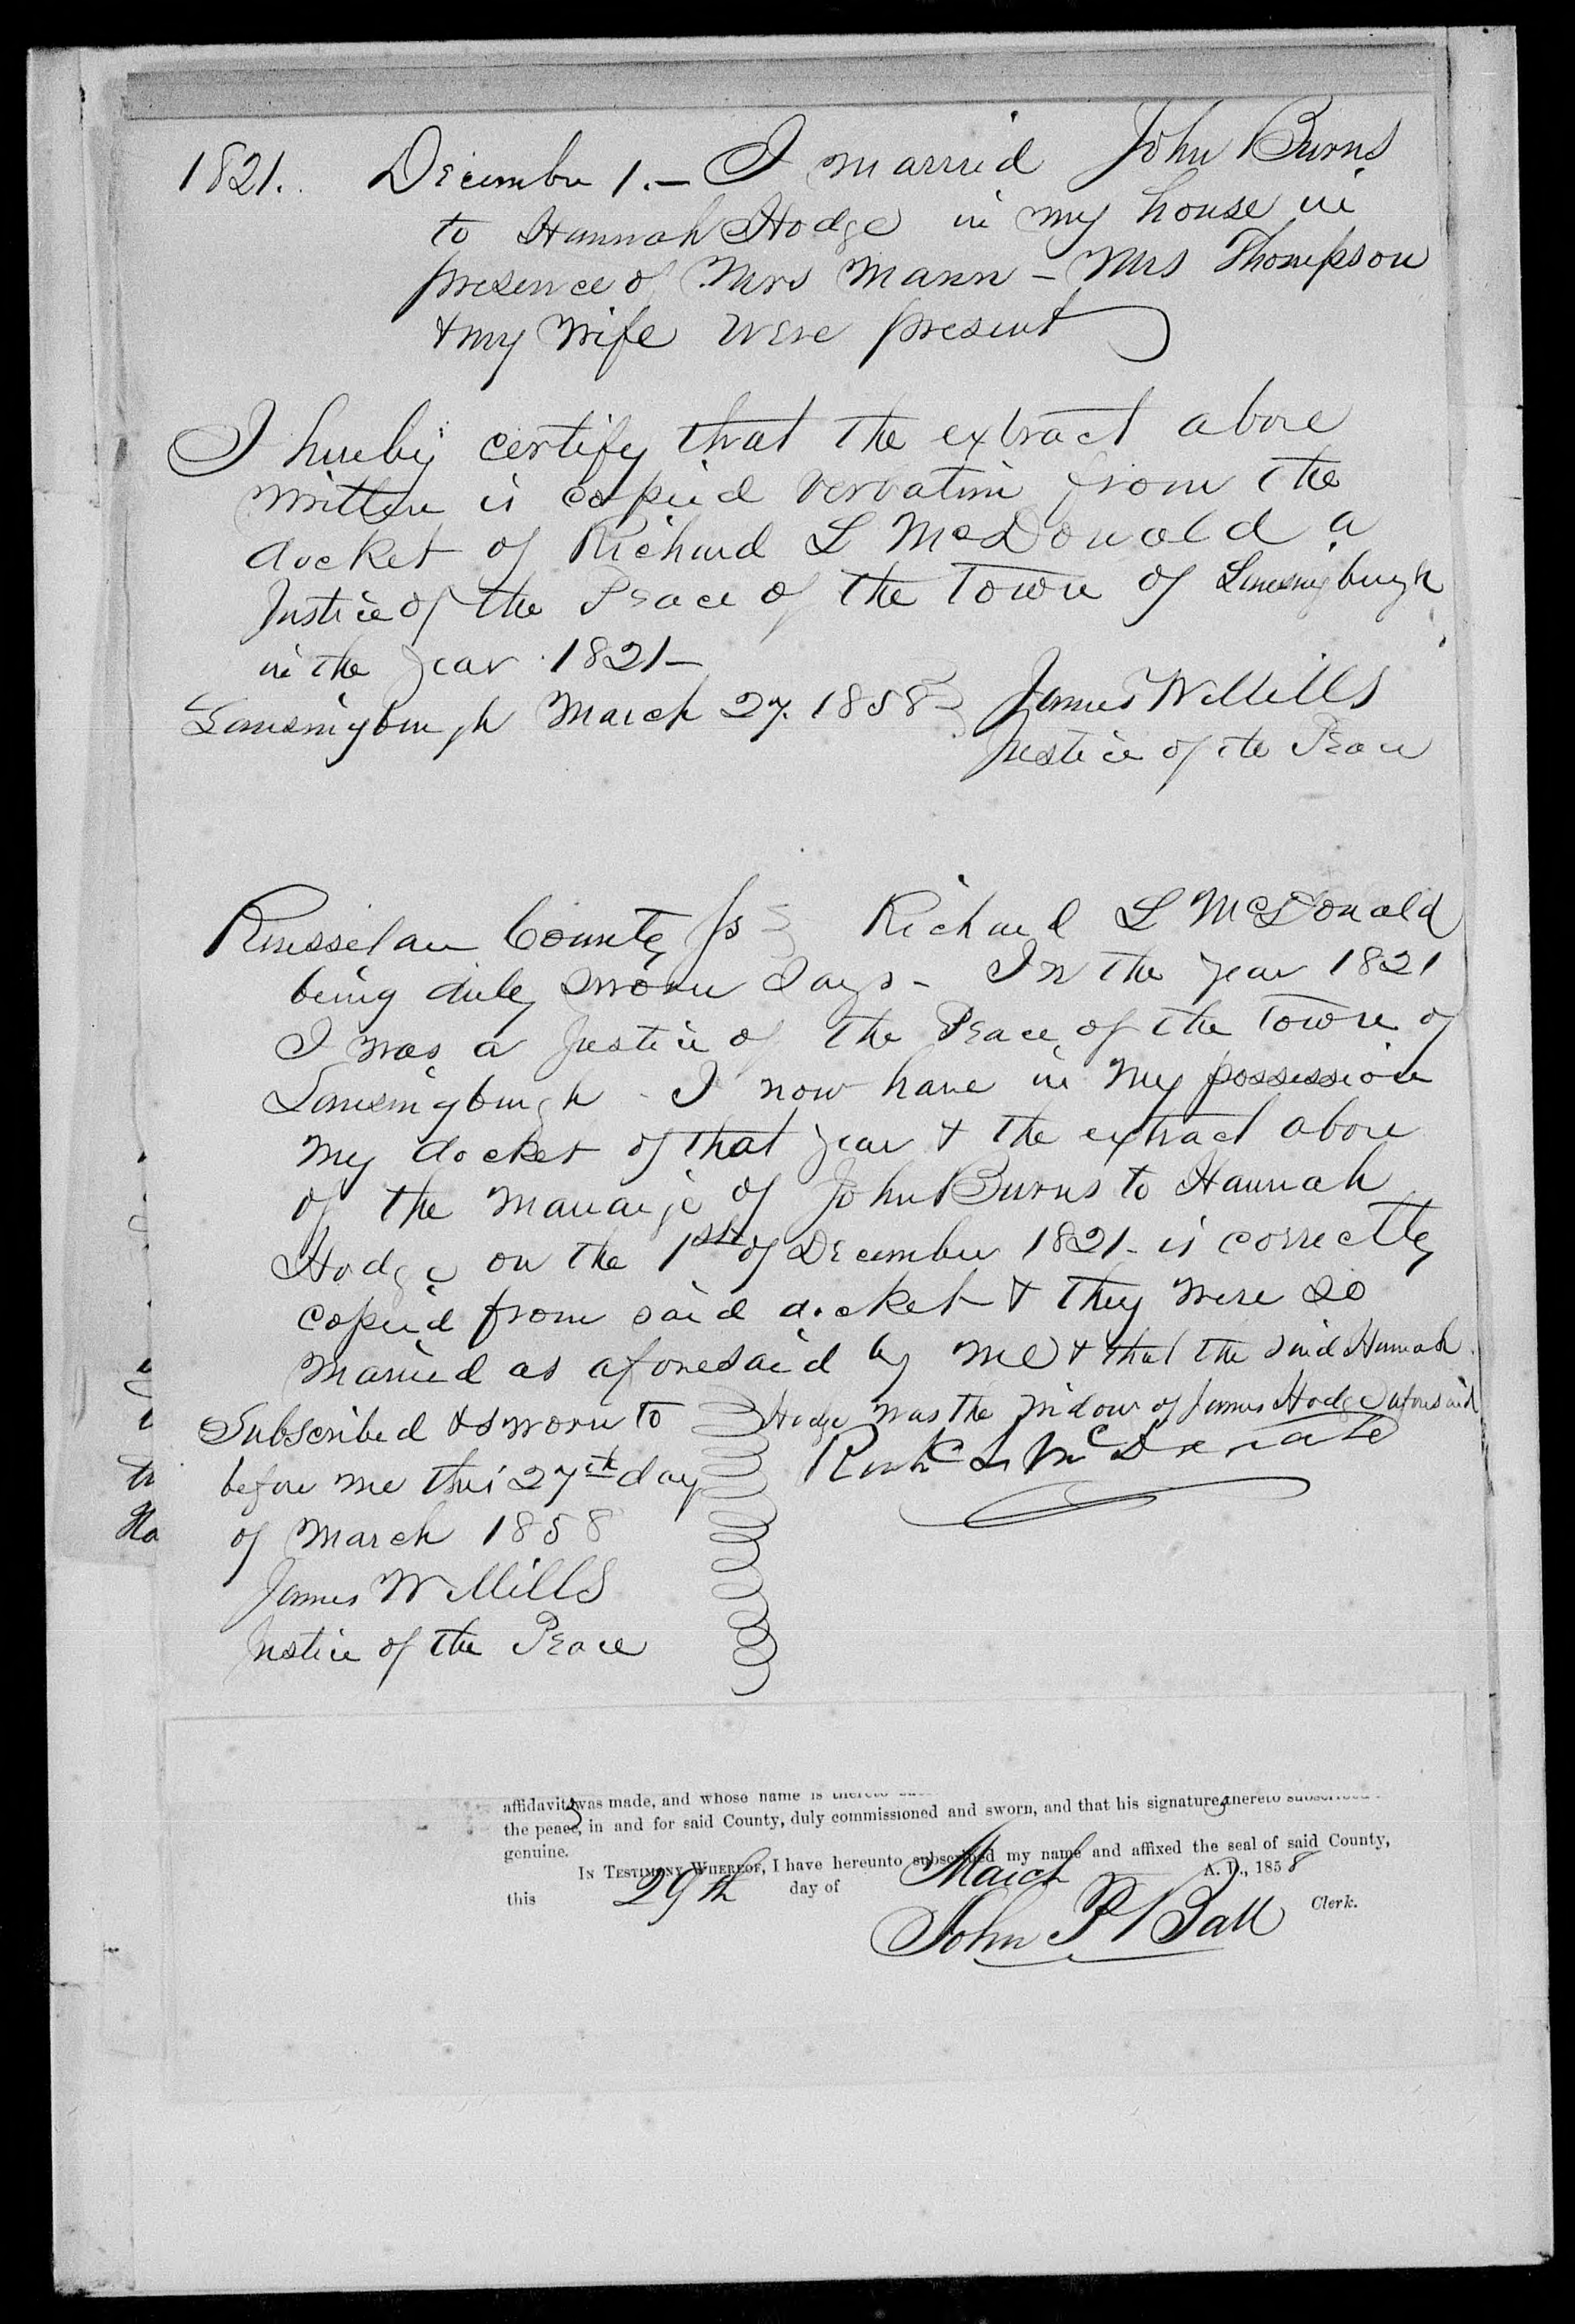1821 December 1 - I married John Burnes to Hannah Hodge in my house in presence of Mars Mann - Mrs Thompson + my wife were present
I hereby certify that the extract above written is copied verbatim from the docket of Richard L. McDonald a Justice of the Peace of the town of Lansingburgh in the year 1821 - 
Lansingburgh March 27 1959 James W Mills
Justice of the Peace

Renesselaer County Richard L McDonald being duly sworn days in the year 1821 I was a Justice of the Peace of the town of Lansingburgh I now have in my possession my docket of that year + the extract above of the marriage of John Burnes to Hannah Hodge on the 1st of December 1821 is correctly copied from said docket + they were so married and aforesaid by me + that the said Hannh subscribed and sworn to before me this 27th day of March 1858
James W Mills
Justice of the Peace
Richard L McDonald
29th of March 
John P. Gall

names: Mann, Thompson, John Burns, James W Mills, Richard L Mc Donald, Hannah Hodge, Hannah Hodge, James Hodge, Richard L Mc Donald, James W Mills, John Burns, John P Ball, Hannah Hodge, Richd L Mc Donald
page: 42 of 48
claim: widow's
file: W. 10476, James Hodge, New York